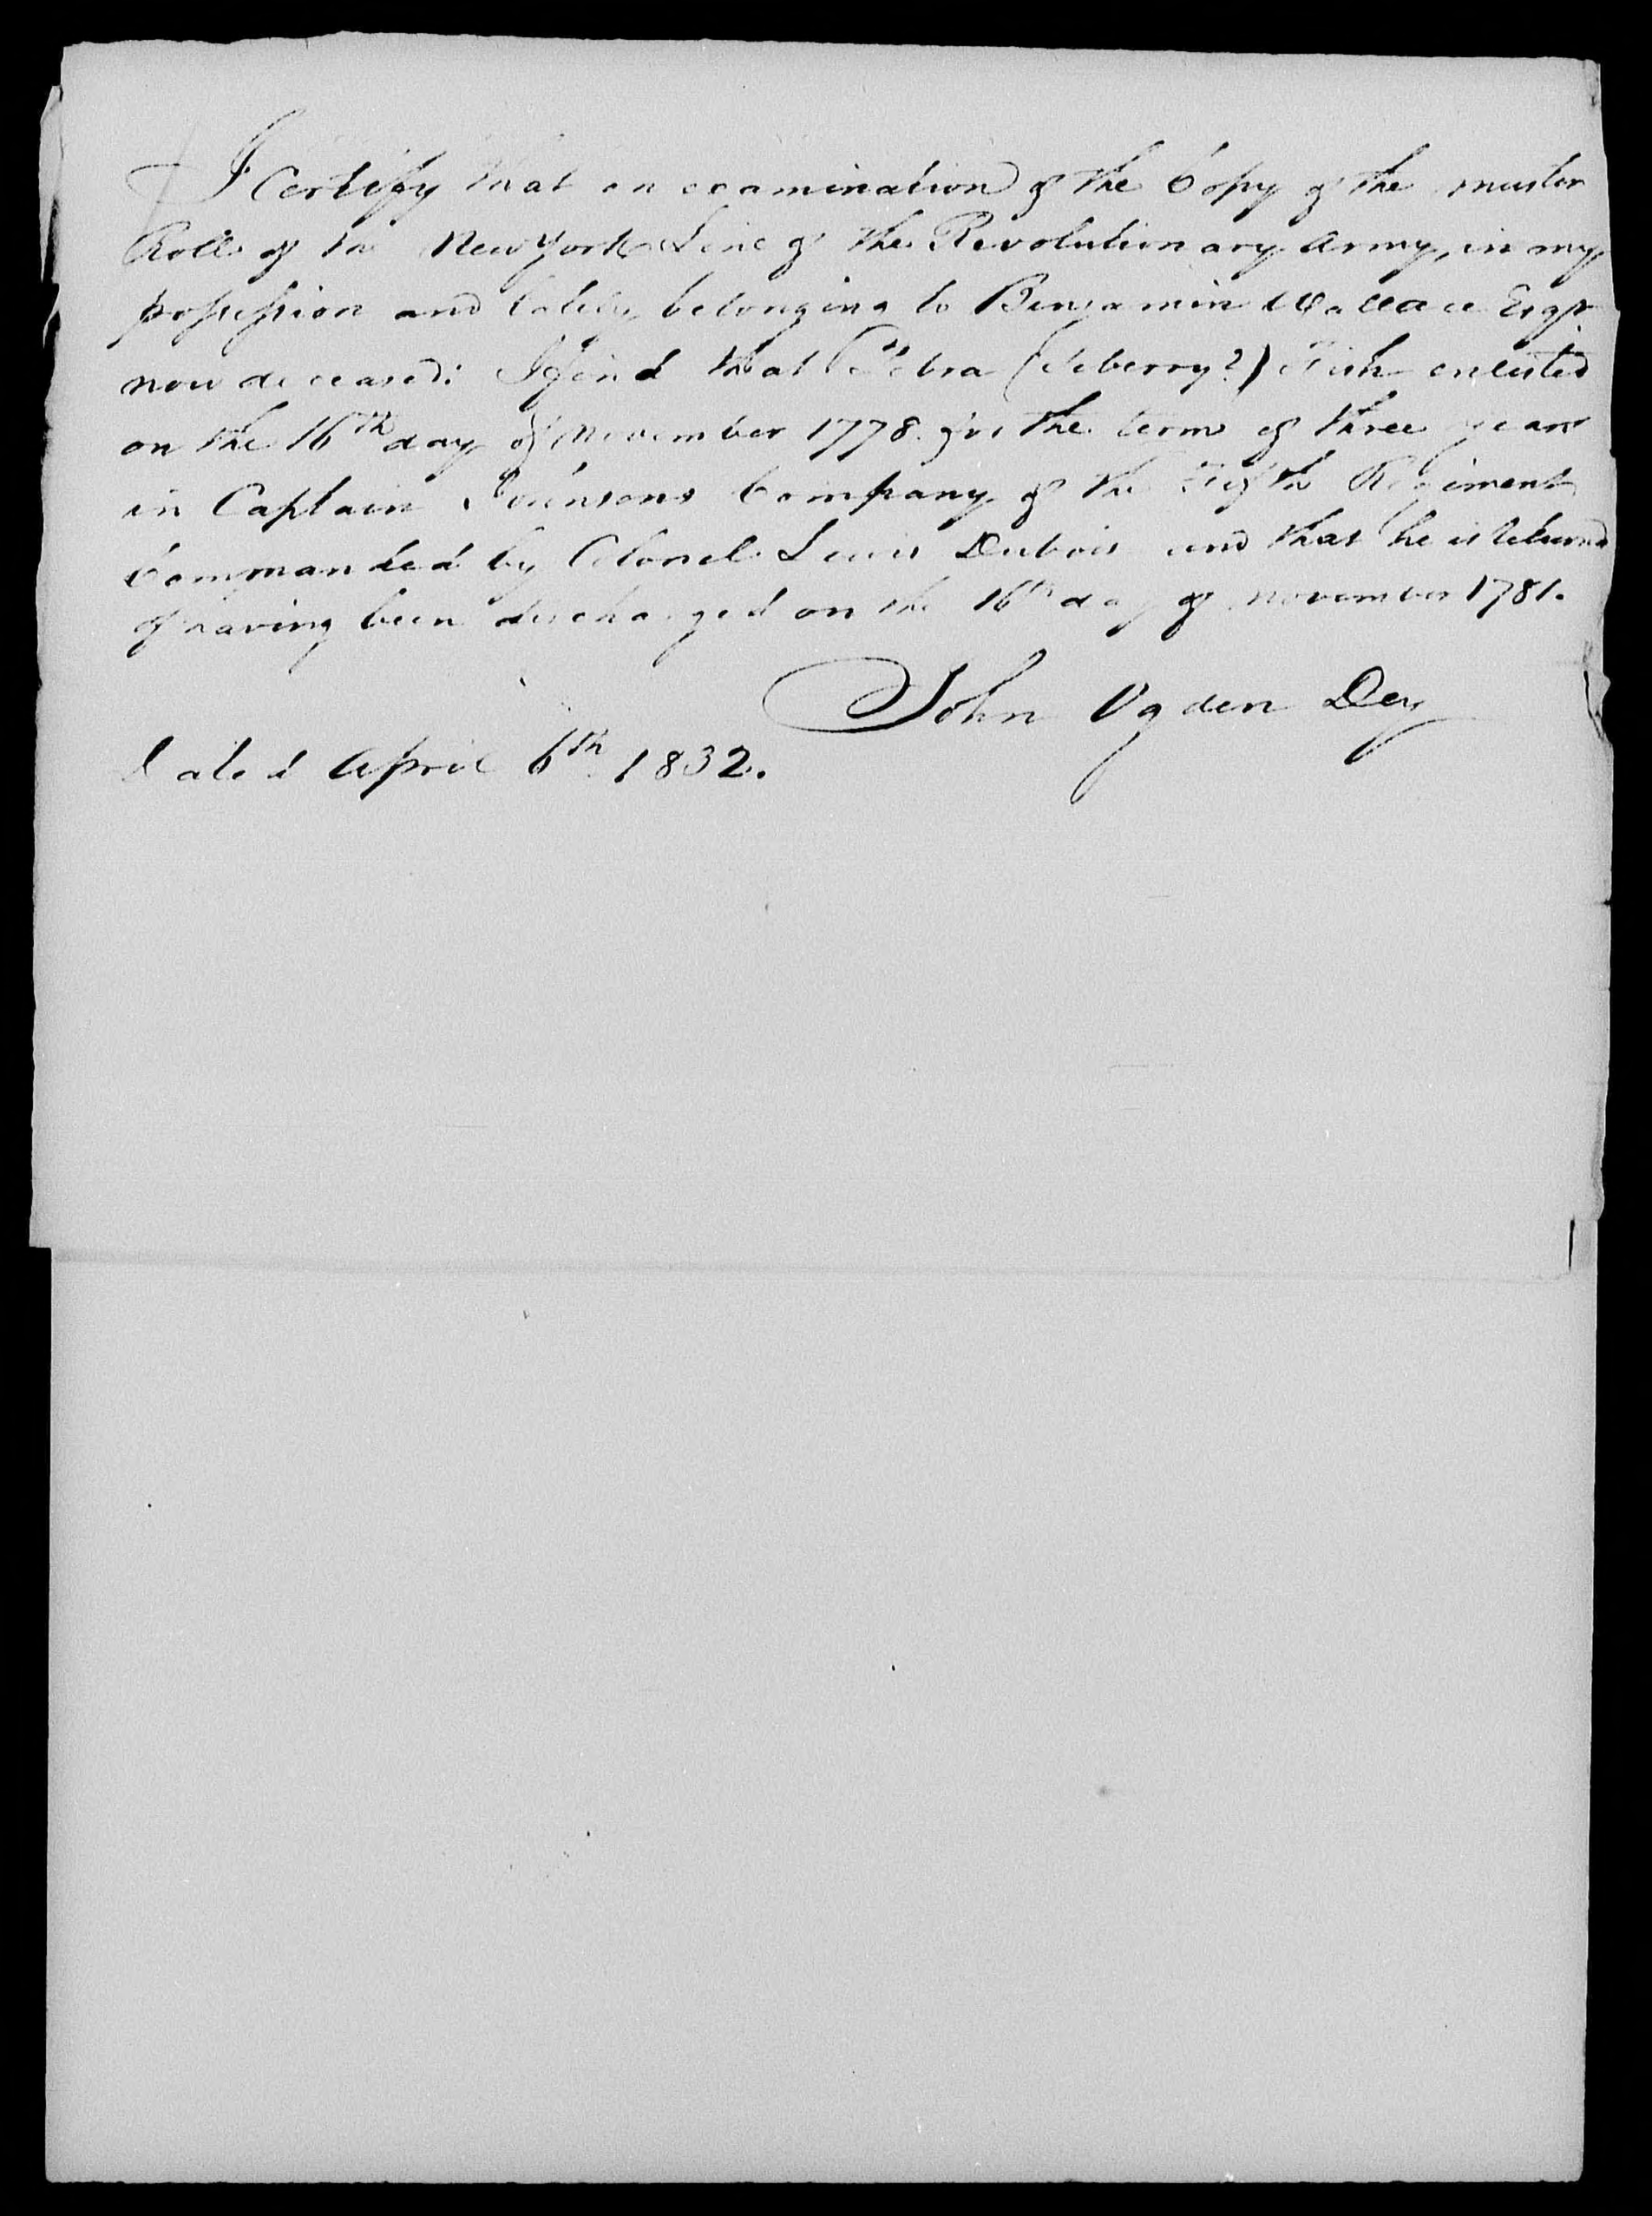[Handwritten record]

I Certify that on examination of the Copy of the muster Rolls of the New York Line of the Revolutionary Army, in my possession and lately belonging to Benjamin Wallace Esqr. now deceased:  I find that Zebra (Seberry?) Fish enlisted on the 16th day of november 1778. for the term of three years in Captain Johnsons Company of the [?] Fifth Regiment. Commanded by Colonel Lewis Dubois and that he is [here the following word is almost illegible, but it could have been:] Returnd [or ?Releeased or ?Recoernd] of having been discharged on the 16th day of november 1781.

John Ogden Dey
dated April 6th 1832.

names: Lewis Dubois, Zebra Fish, Benjamin Wallace, Seberry Fish, John Ogden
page: 13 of 26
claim: survivor's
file: S. 29797, Seberry Fish, New York